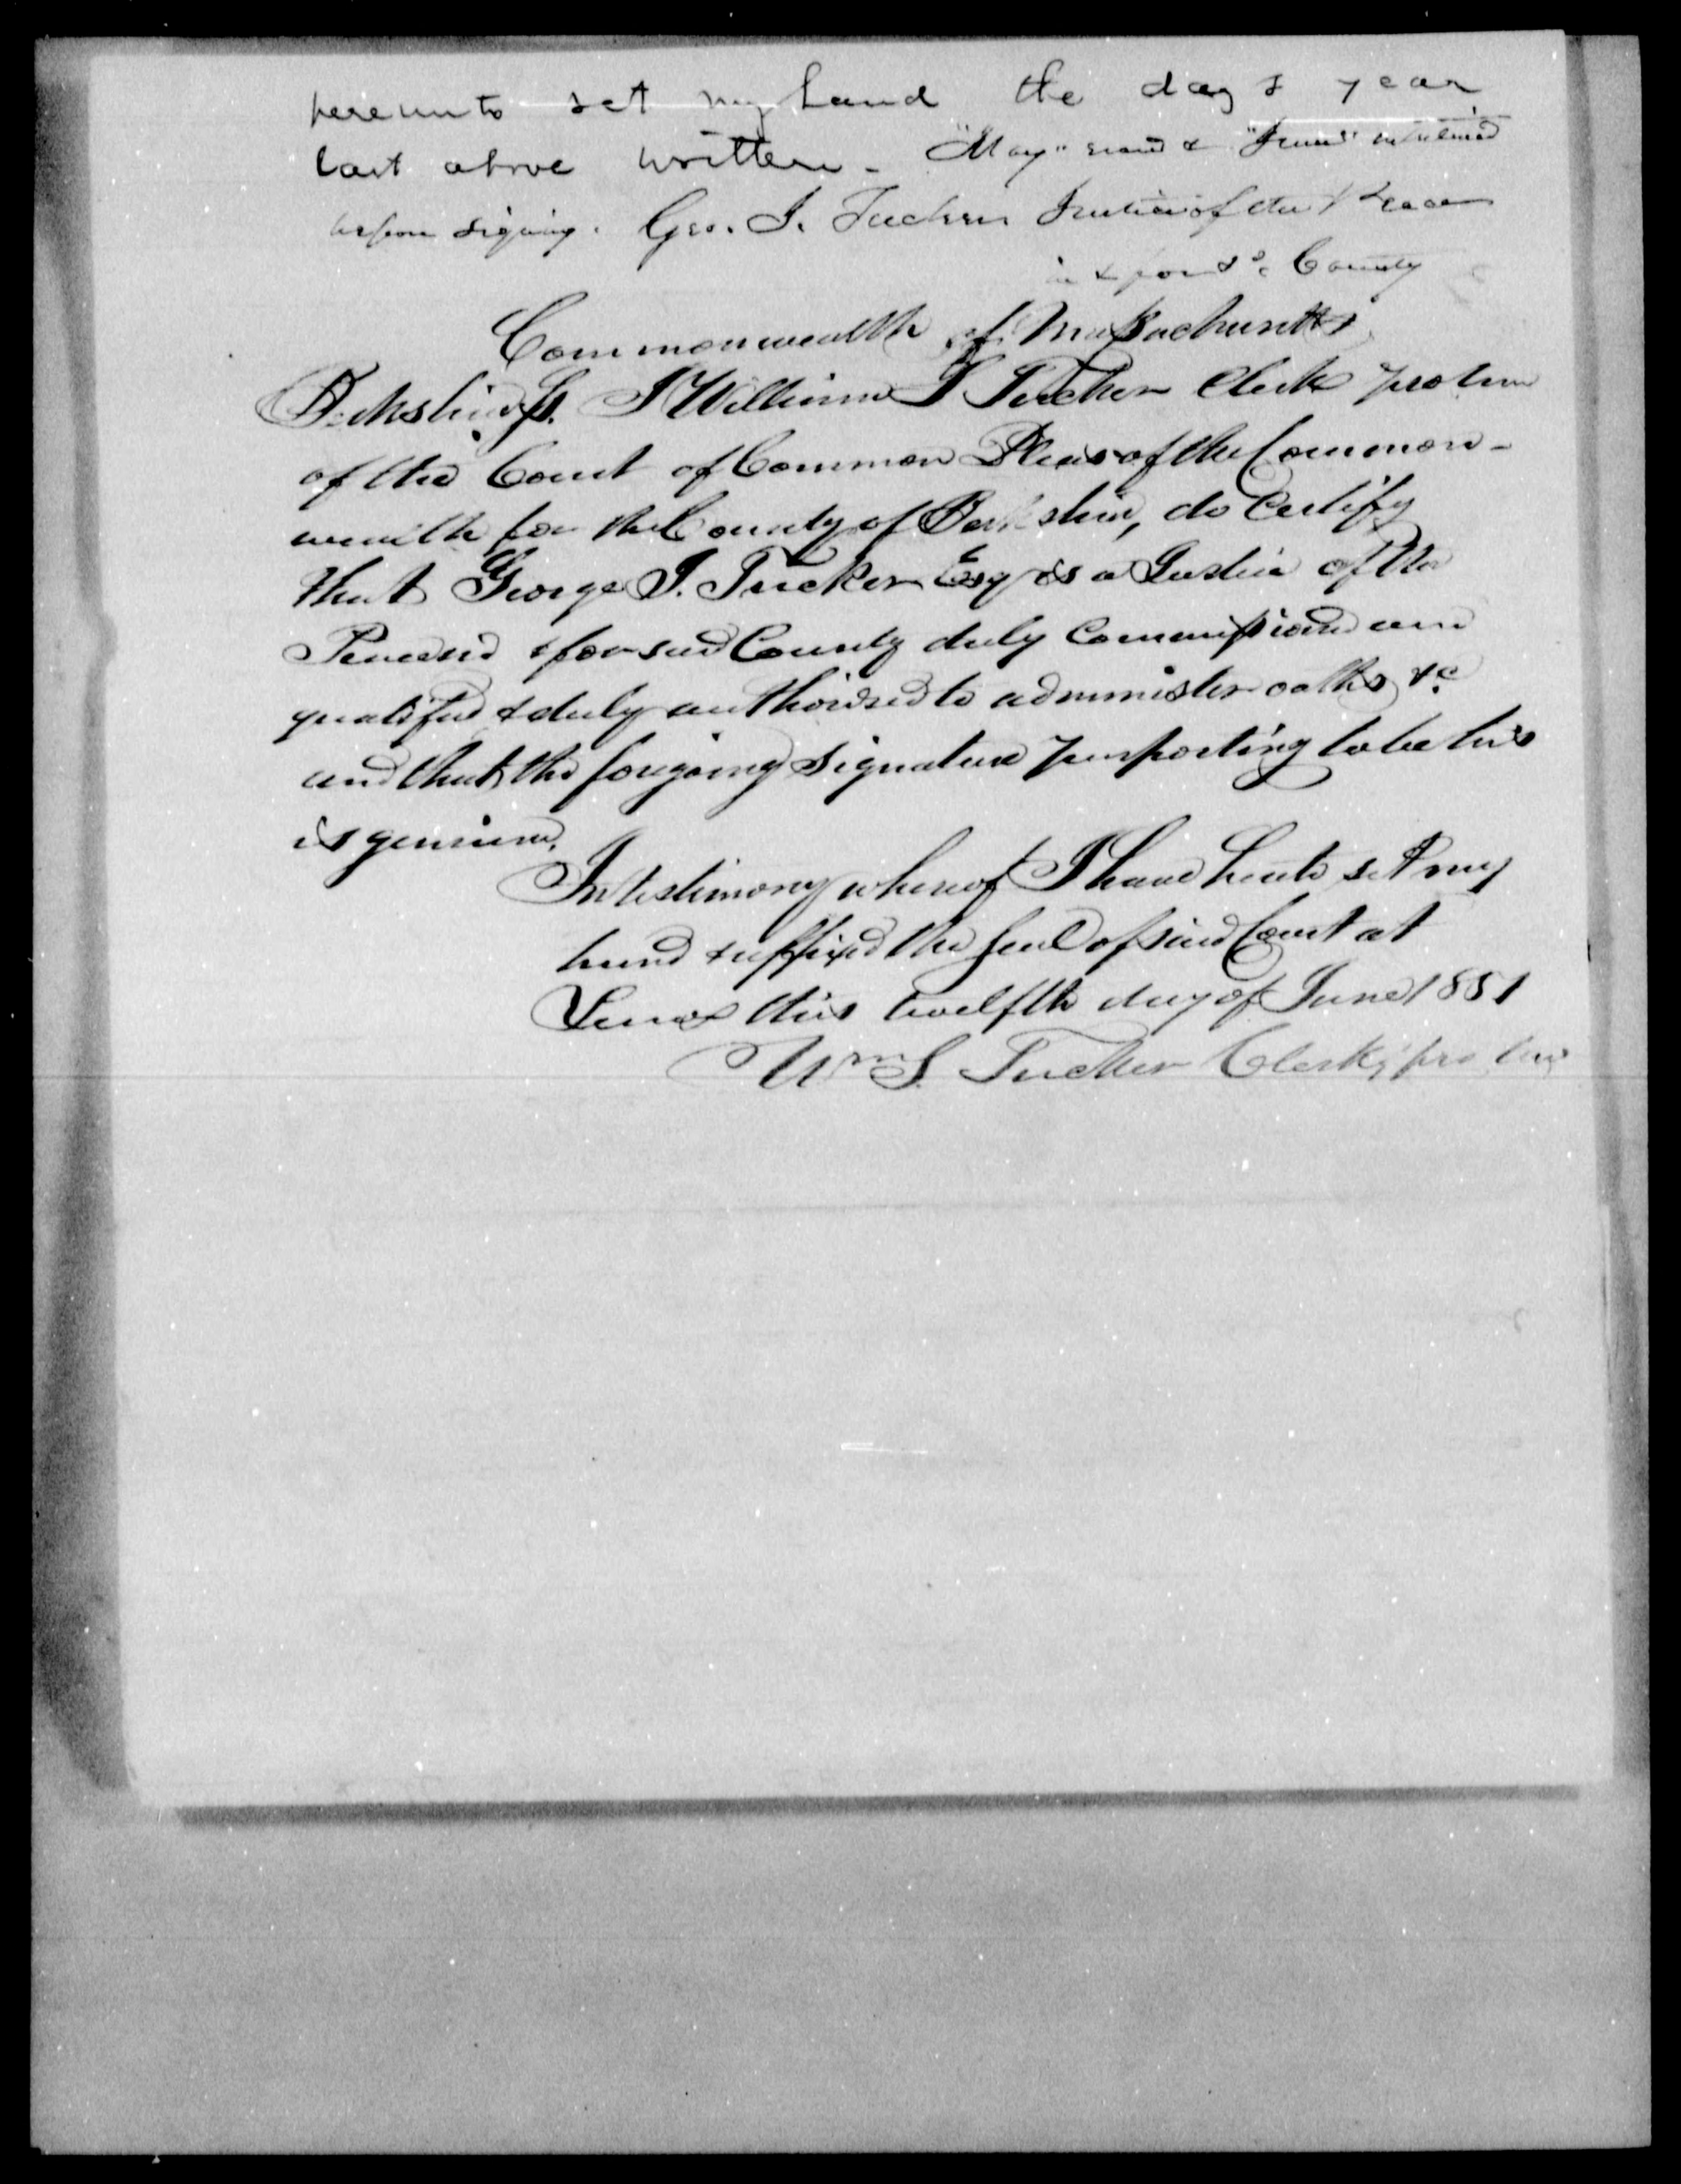hereunto set my hand the day & year last above written. May [illegible] & "June" interlined
before signing. Geo. J. Tucker Justice of the Peace in & for sd County

Commonwealth of Massachusetts Berkshire. I William J. Tucker Clerk protem of the Court of Common Pleas of the Commonwealth with & for the County of Berkshire, do certify that George J. Tucker Esq is a Justice of the Peace and aforesaid County duly commissioned and qualified & duly authorized to administer oaths &c and that the foregoing signature purporting to be his is genuine.
In testimony whereof I have hereto set my hand affixed the seal of said Court at Lewes [???] and this twelfth day of June 1851
Wm J. Tucker Clerk pro tem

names: Geo J Tucker; William S Tucker; George J Tucker; Wm S Tucker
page: 14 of 20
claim: survivor's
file: S. 41,094, for Simeon Reynolds, Connecticut